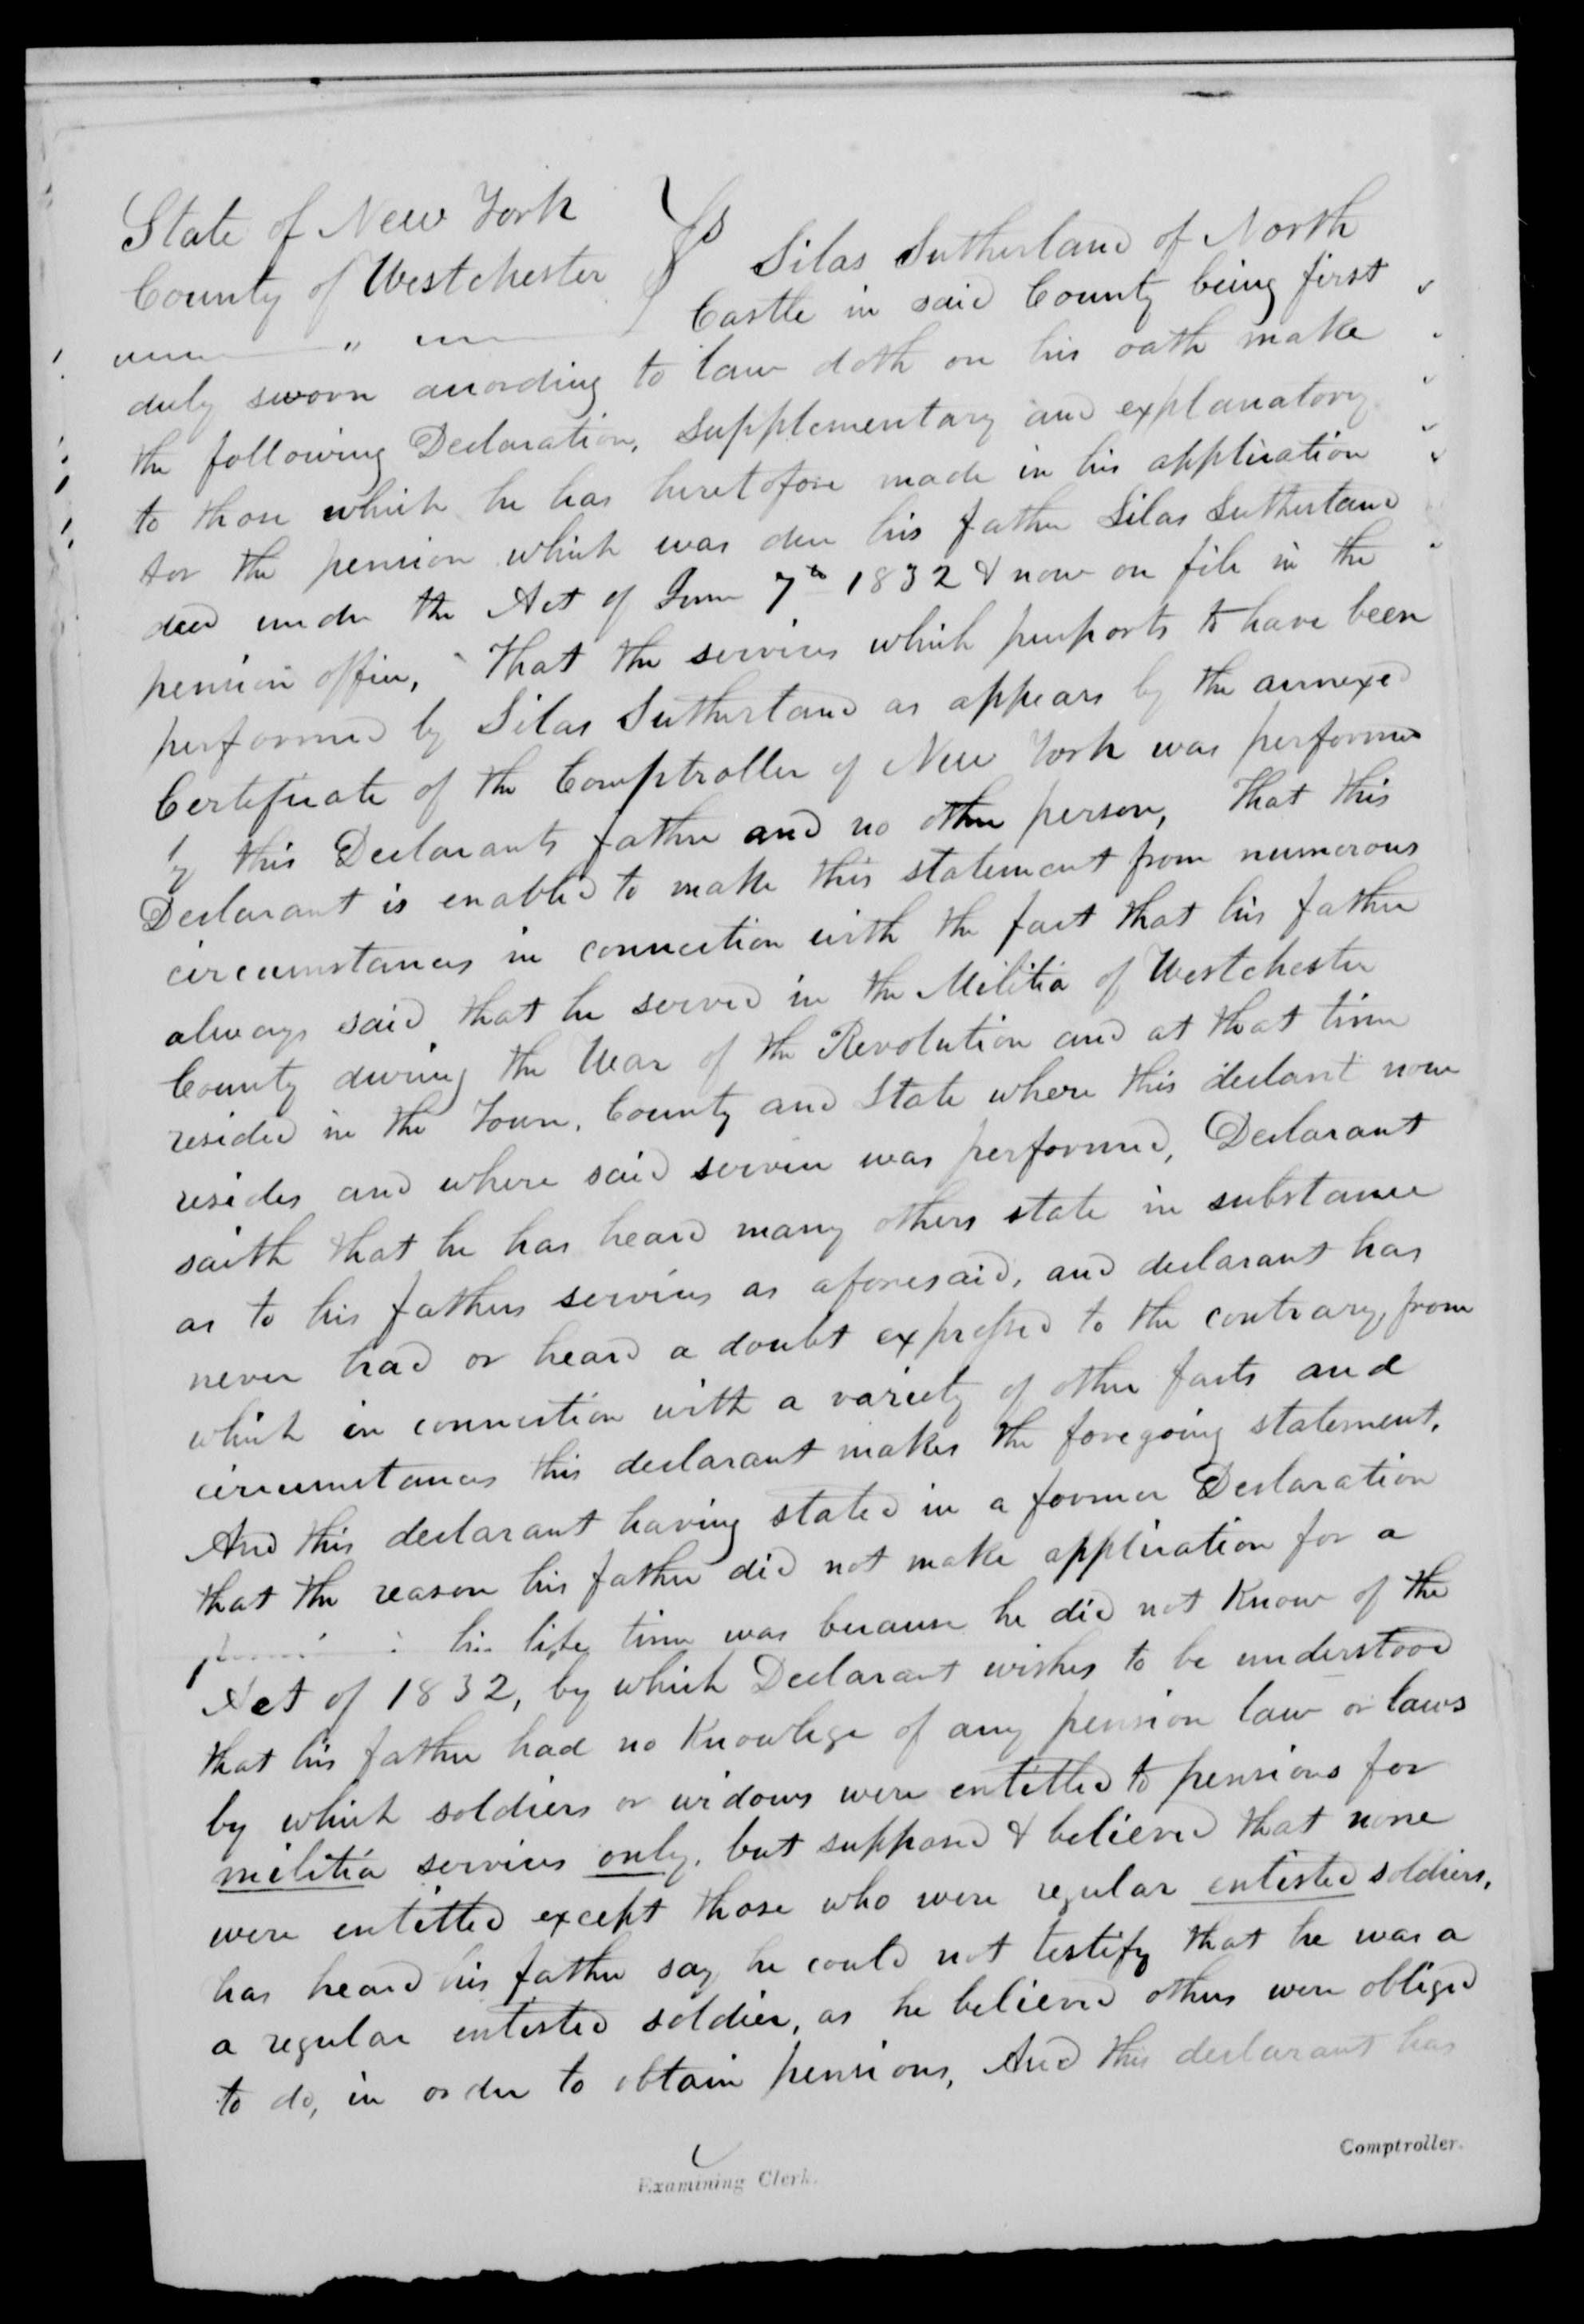State of New York
County of West Chester } ss.

Silas Sutherland of North Castle in said County being first duly sworn according to law doth on his oath make the following Declaration, supplementary and explanatory to thou which he has heretofore made in his application for the pension which was due his father Silas Sutherland due under the Act of June 7th, 1832 and now on file in the pension office; That the services which purports to have been performed by Silas Sutherland as appears by the annexed Certificate of the Comptroller of New York was performed by this Declarant's father and no other person, that this Declarant is enabled to make this statement from numerous circumstances in connection with the fact that his father always said that he served in the Militia of Westchester County during the War of the Revolution and at that time resided in the Town, County and State where this declarant now resides and where said service was performed, Declarant saith that he has heard many others state in substance as to his father's services as aforesaid, and declarant has never had or heard a doubt expressed to the contrary from which in connection with a variety of other facts and circumstances this declarant makes the foregoing statement.  And this declarant having stated in a former Declaration that the reason his father did not make application for a pension in his life time was because he did not know of the Act of 1832, by which Declarant wishes to be understood that his father had no knowledge of any pension law or laws by which soldiers or widows were entitled to pensions for militia services only, but supposed and believed that none were entitled except those who were regular enlisted soldiers, he heard his father say he could not testify that he was a regular enlisted soldier, as he believed others were obliged to do, in order to obtain pensions.  And this declarant has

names: Silas Sutherland; Silas Sutherland; Silas Sutherland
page: 25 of 77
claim: survivor's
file: S. 23003, for Silas Southerland, New York